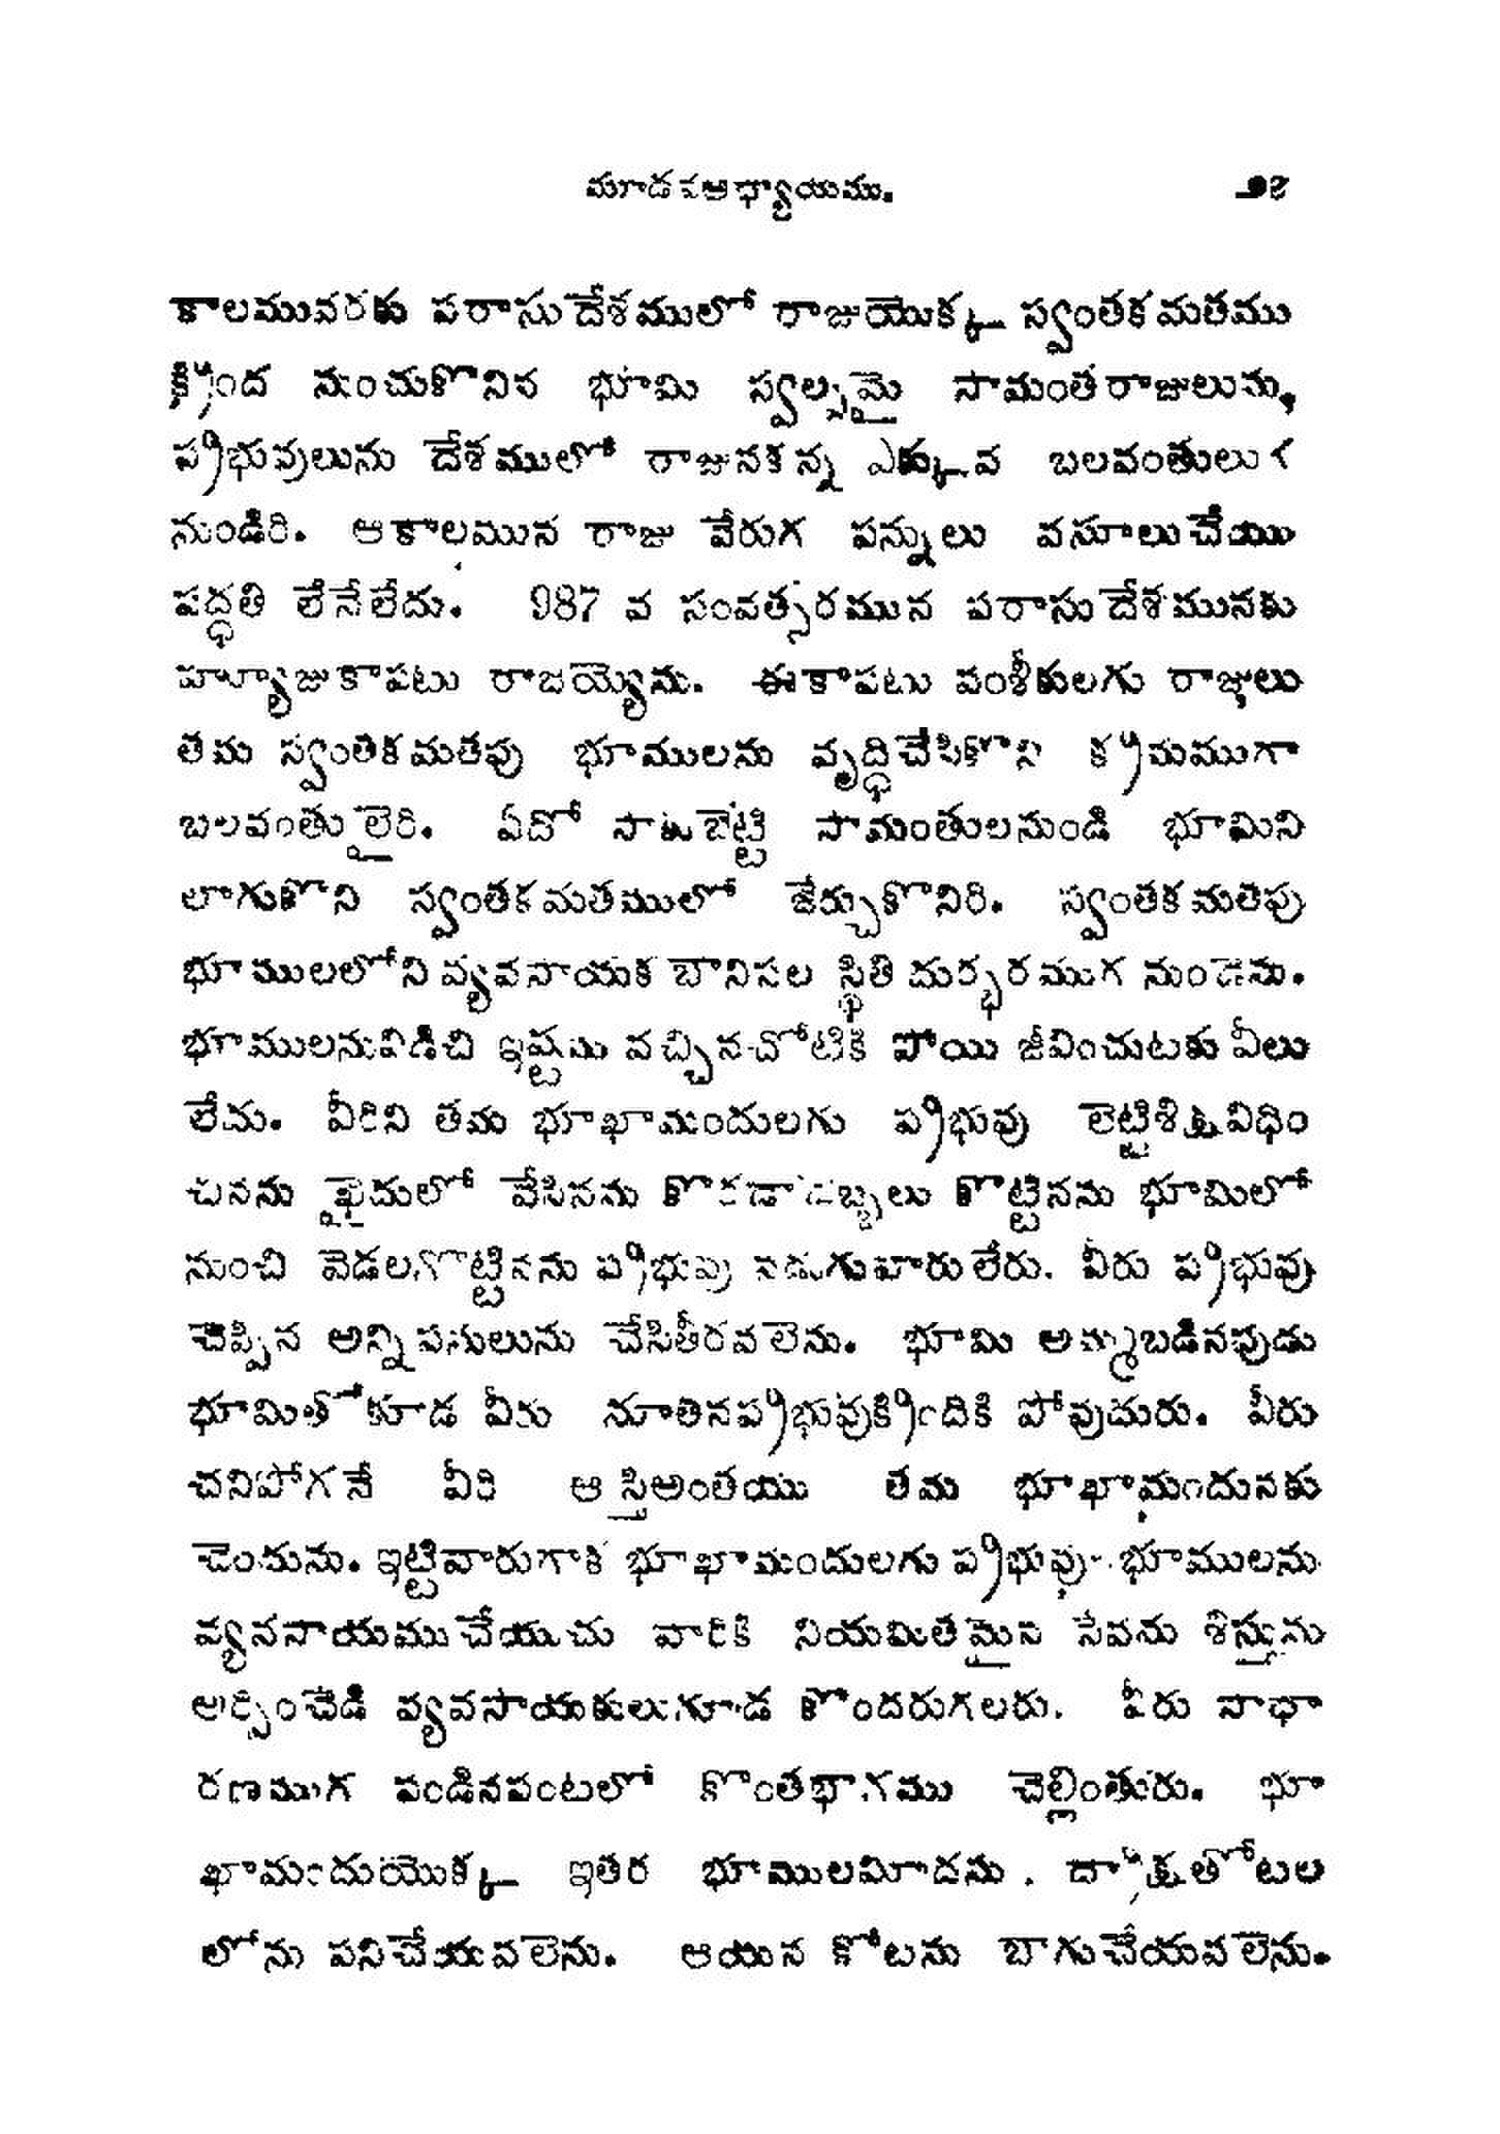కాలమువరకు పరాసు దేశములో రాజు యొక్క స్వంతకమతము
కింద సుంచుకొనిన భూమి స్వల్పమై సామంత రాజులుసు,
ప్రభువులును దేశములో రాజున కన్న ఎక్కువ బలవంతులు గ
నుండిరి. ఆకాలమున రాజు వేరుగ పన్నులు వసూలు చేయు
పద్ధతి లేనే లేదు.987 వ సంవత్సరమున పరాసు దేశమునకు
హ్యూజు కాపటు రాజయ్యెను. ఈకాపటు పంశీకులగు రాజులు
తమ స్వంతకమతపు భూములను వృద్ధి చేసికొని క్రమముగా
బలవంతులైరి. ఏదో సాట బెట్టి సొమంతుల నుండి భూమిని
లాగుకొని స్వంతకమతములో జేర్చుకొనిరి. 'స్వంతకమతపు
భూములలోని వ్యవసాయక బానిసల స్థితి దుర్భరముగ నుండెను.
భూములను విడిచి ఇష్టము వచ్చిన చోటికి పోయి జీవించుటకు వీలు
లేదు. వీరిని తమ భూఖామందులను ప్రభువు లెట్టిశిక్ష విధిం
చినను ఖైదులో వేసినను కొరడా దెబ్బలు కొట్టినను భూమిలో
నుంచి వెడలగొట్టినను ప్రభువు నడుగు వారు లేరు. వీరు ప్రభువు
చెప్పిన అన్ని పనులును చేసితీరవలెను. భూమి అమ్మబడినపుడు
భూమితో కూడ వీరు నూతన ప్రభువుకిందికి పోవుదురు. వీరు
చనిపోగనే వీకిఆస్తి అంతయు తమ భూకామందునకు
చెందుసు. ఇట్టివారుగాక భూఖామందులగు ప్రభువు" భూములను
వ్యనసాయము చేయుచు వారికి నియమిత మైన సేవను శిస్తును
అర్పించెడి వ్యవసాయకులు కూడ కొందరుగలరు, వీరు సాధా
రణముగ పండిన పంటలో కొంతభాగము చెల్లింతురు. భూ
ఖామందుయొక్క ఇతర భూములమీదసు . దాక్షతోటల
లోను పనిచేయవలెను. ఆయన కోటను బాగుచేయవలెను.